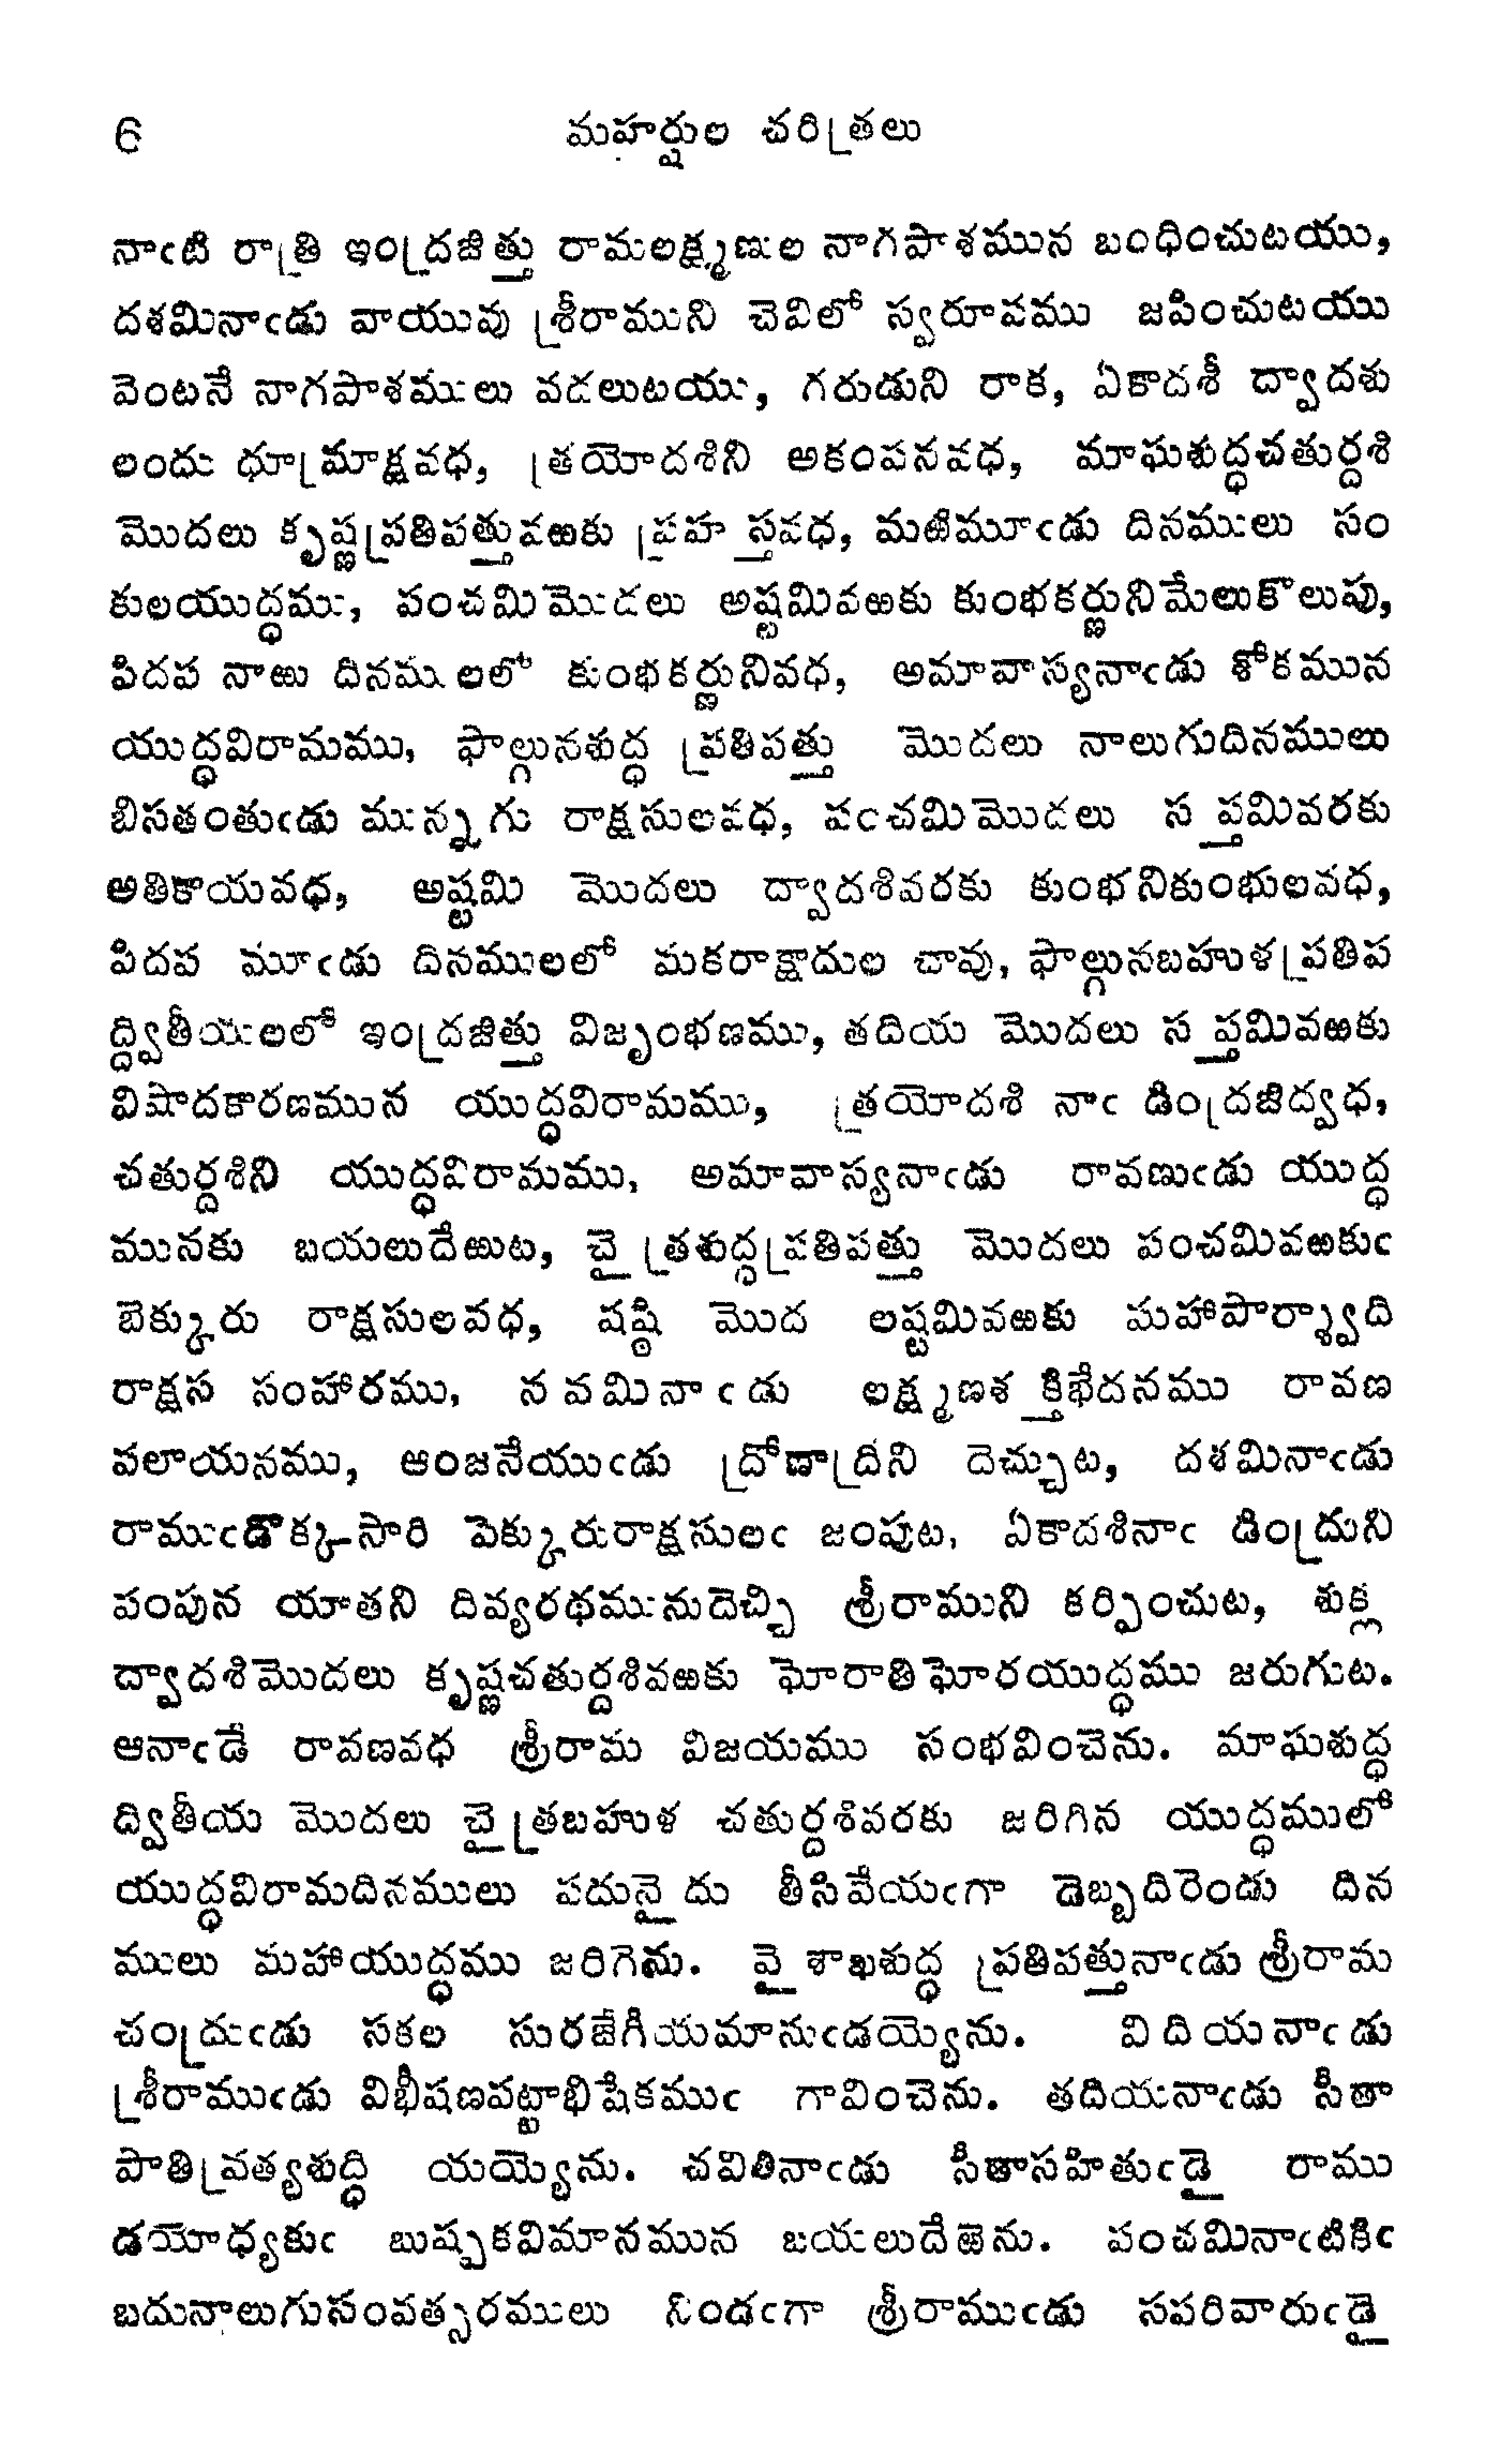నాటి రాత్రి ఇంద్రజిత్తు రామలక్ష్మణుల నాగపాశమున బంధించుటయు, దశమినాడు వాయువు శ్రీరాముని చెవిలో స్వరూపము జపించుటయు వెంటనే నాగపాశములు వదలుటయు, గరుడుని రాక, ఏకాదశీ ద్వాదశు లందు ధూమ్రాక్షవధ, త్రయోదశిని అకంపనవధ, మాఘశుద్ధచతుర్దశి మొదలు కృష్ణప్రతిపత్తు వరకు ప్రహస్తవధ, మరిమూడు దినములు సంకులయుద్ధము, పంచమిమొదలు అష్టమివరకు కుంభకర్ణుని మేలుకొలుపు, పిదప నారు దినములలో కుంభకర్ణునివధ, అమావాస్యనాడు శోకమున యుద్ధవిరామము, ఫాల్గునశుద్ధ ప్రతిపత్తు మొదలు నాలుగుదినములు బిసతంతుడు మున్నగు రాక్షసులవధ, పంచమిమొదలు సప్తమివరకు అతికాయవధ, అష్టమి మొదలు ద్వాదశివరకు కుంభనికుంభులవధ, పిదప మూడు దినములలో మకరాక్షాదుల చావు, ఫాల్గునబహుళ ప్రతిపద్ద్వితీయలలో ఇంద్రజిత్తు విజృంభణము, తదియ మొదలు సప్తమివరకు విషాదకారణమున యుద్ధవిరామము, త్రయోదశి నా డింద్రజిద్వధ, చతుర్దశిని యుద్ధవిరామము, అమావాస్యనాడు రావడుడు యుద్ధమునకు బయలుదేరుట, చైత్రశుద్ధప్రతిపత్తు మొదలు పంచమి వరకు బెక్కురు రాక్షసులవధ, షష్టి మొదలు లష్టమివరకు మహాపార్శ్వాది రాక్షస సంహారము, నవమినాడు లక్ష్మణశక్తిభేదనము రావణ పలాయనము, ఆంజనేయుడు ద్రోణాద్రిని దెచ్చుట, దశమినాడు రాముడొక్కసారి పెక్కురురాక్షసుల జంపుట. ఏకాదశినా డింద్రుని పంపున యాతని దివ్యరథమునుదెచ్చి శ్రీరాముని కర్పించుట, శుక్లద్వాదశిమొదలు కృష్ణచతుర్దశివరకు ఘోరాతిఘోరయుద్ధము జరుగుత. ఆనాడే రావణవధ శ్రీరామ విజయము సంభవించెను. మాఘశుద్ధ ద్వితీయ మొదలు చైత్రబహుళ చతుర్దశివరకు జరిగిన యుద్ధములో యుద్ధవిరామ దినములు పదునైదు తీసివేయగా డెబ్బదిరెండు దినములు మహాయుద్ధము జరిగెను. వైశాఖశుద్ధ ప్రతిపత్తునాడు శ్రీరామచంద్రుడు సకల సురజేగీయమానుడయ్యెను. విదియనాడు శ్రీరాముడు విభీషణపట్టాభిషేకము గావించెను. తదియనాడు సీతా పాతివ్రత్యశుద్ధి యయ్యెను. చవితినాడు సీతాసహితుడై రాము డయోధ్యకు బుష్పకవిమానమున బయలుదేరెను. పంచమినాటికి బదునాలుగు సంవత్సరములు నిండగా శ్రిరాముడు సపరివారుడై